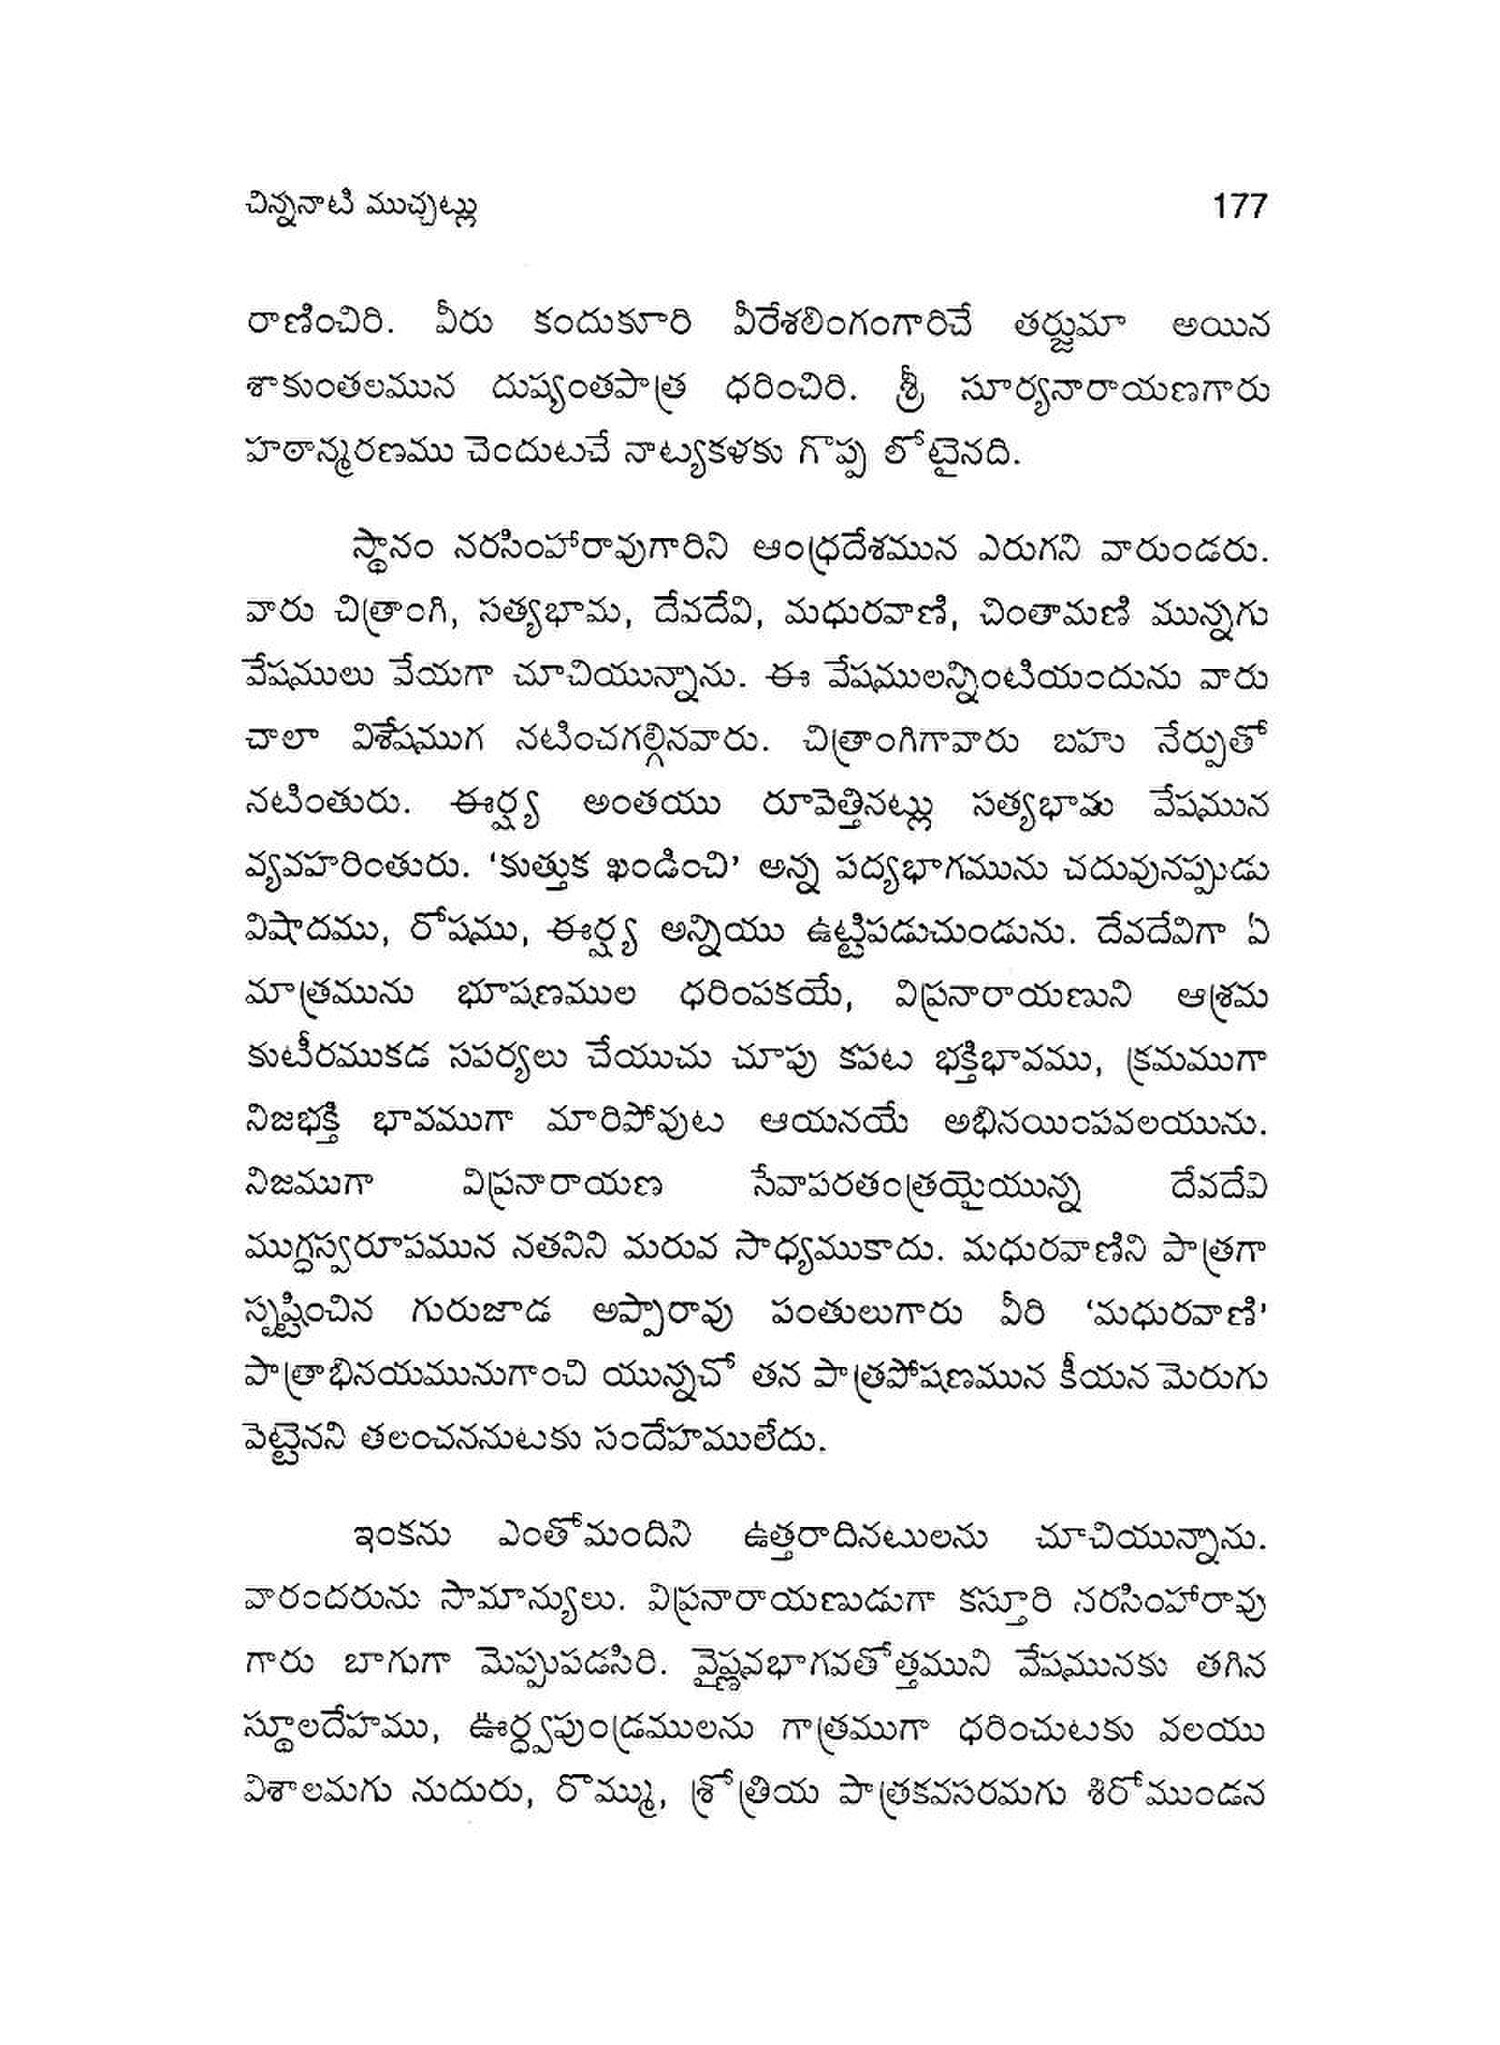రాణించిరి. వీరు కందుకూరి వీరేశలింగంగారిచే తర్జుమా అయిన శాకుంతలమున దుష్యంతపాత్ర ధరించిరి. శ్రీ సూర్యనారాయణగారు హఠాన్మరణము చెందుటచే నాట్యకళకు గొప్ప లోటైనది.

స్థానం నరసింహారావుగారిని ఆంధ్రదేశమున ఎరుగని వారుండరు. వారు చిత్రాంగి, సత్యభామ, దేవదేవి, మధురవాణి, చింతామణి మున్నగు వేషములు వేయగా చూచియున్నాను. ఈ వేషములన్నింటియందును వారు చాలా విశేషముగ నటించగల్గి నవారు. చిత్రాంగిగావారు బహు నేర్పుతో నటింతురు. ఈర్ష్య అంతయు రూపెత్తినట్లు సత్యభామ వేషమున వ్యవహరింతురు. 'కుత్తుక ఖండించి' అన్న పద్యభాగమును చదువునప్పడు విషాదము, రోషము, ఈర్ష్య అన్నియు ఉట్టిపడుచుండును. దేవదేవిగా ఏ మాత్రమును భూషణముల ధరింపకయే, విప్రనారాయణుని ఆశ్రమ కుటీరముకడ సపర్యలు చేయుచు చూపు కపట భక్తిభావము, క్రమముగా నిజభక్తి భావముగా మారిపోవుట ఆయనయే అభినయింపవలయును. నిజముగా విప్రనారాయణ సేవాపరతంత్రయైయున్న దేవదేవి ముగ్ధ స్వరూపమున నతనిని మరువ సాధ్యముకాదు. మధురవాణిని పాత్రగా సృష్టించిన గురుజాడ అప్పారావు పంతులుగారు వీరి 'మధురవాణి' పాత్రాభినయమునుగాంచి యున్నచో తన పాత్రపోషణమున కీయన మెరుగు పెట్టెనని తలంచుననుటకు సందేహములేదు.

ఇంకను ఎంతోమందిని ఉత్తరాదినటులను చూచియున్నాను. వారందరును సామాన్యులు. విప్రనారాయణుడుగా కస్తూరి నరసింహారావు గారు బాగుగా మెప్పుపడసిరి. వైష్ణవభాగవతోత్తముని వేషమునకు తగిన స్థూలదేహము, ఊర్ధ్వపుండ్రములను గాత్రముగా ధరించుటకు వలయు విశాలమగు నుదురు, రొమ్ము, శ్రోత్రియ పాత్రకవసరమగు శిరోముండన